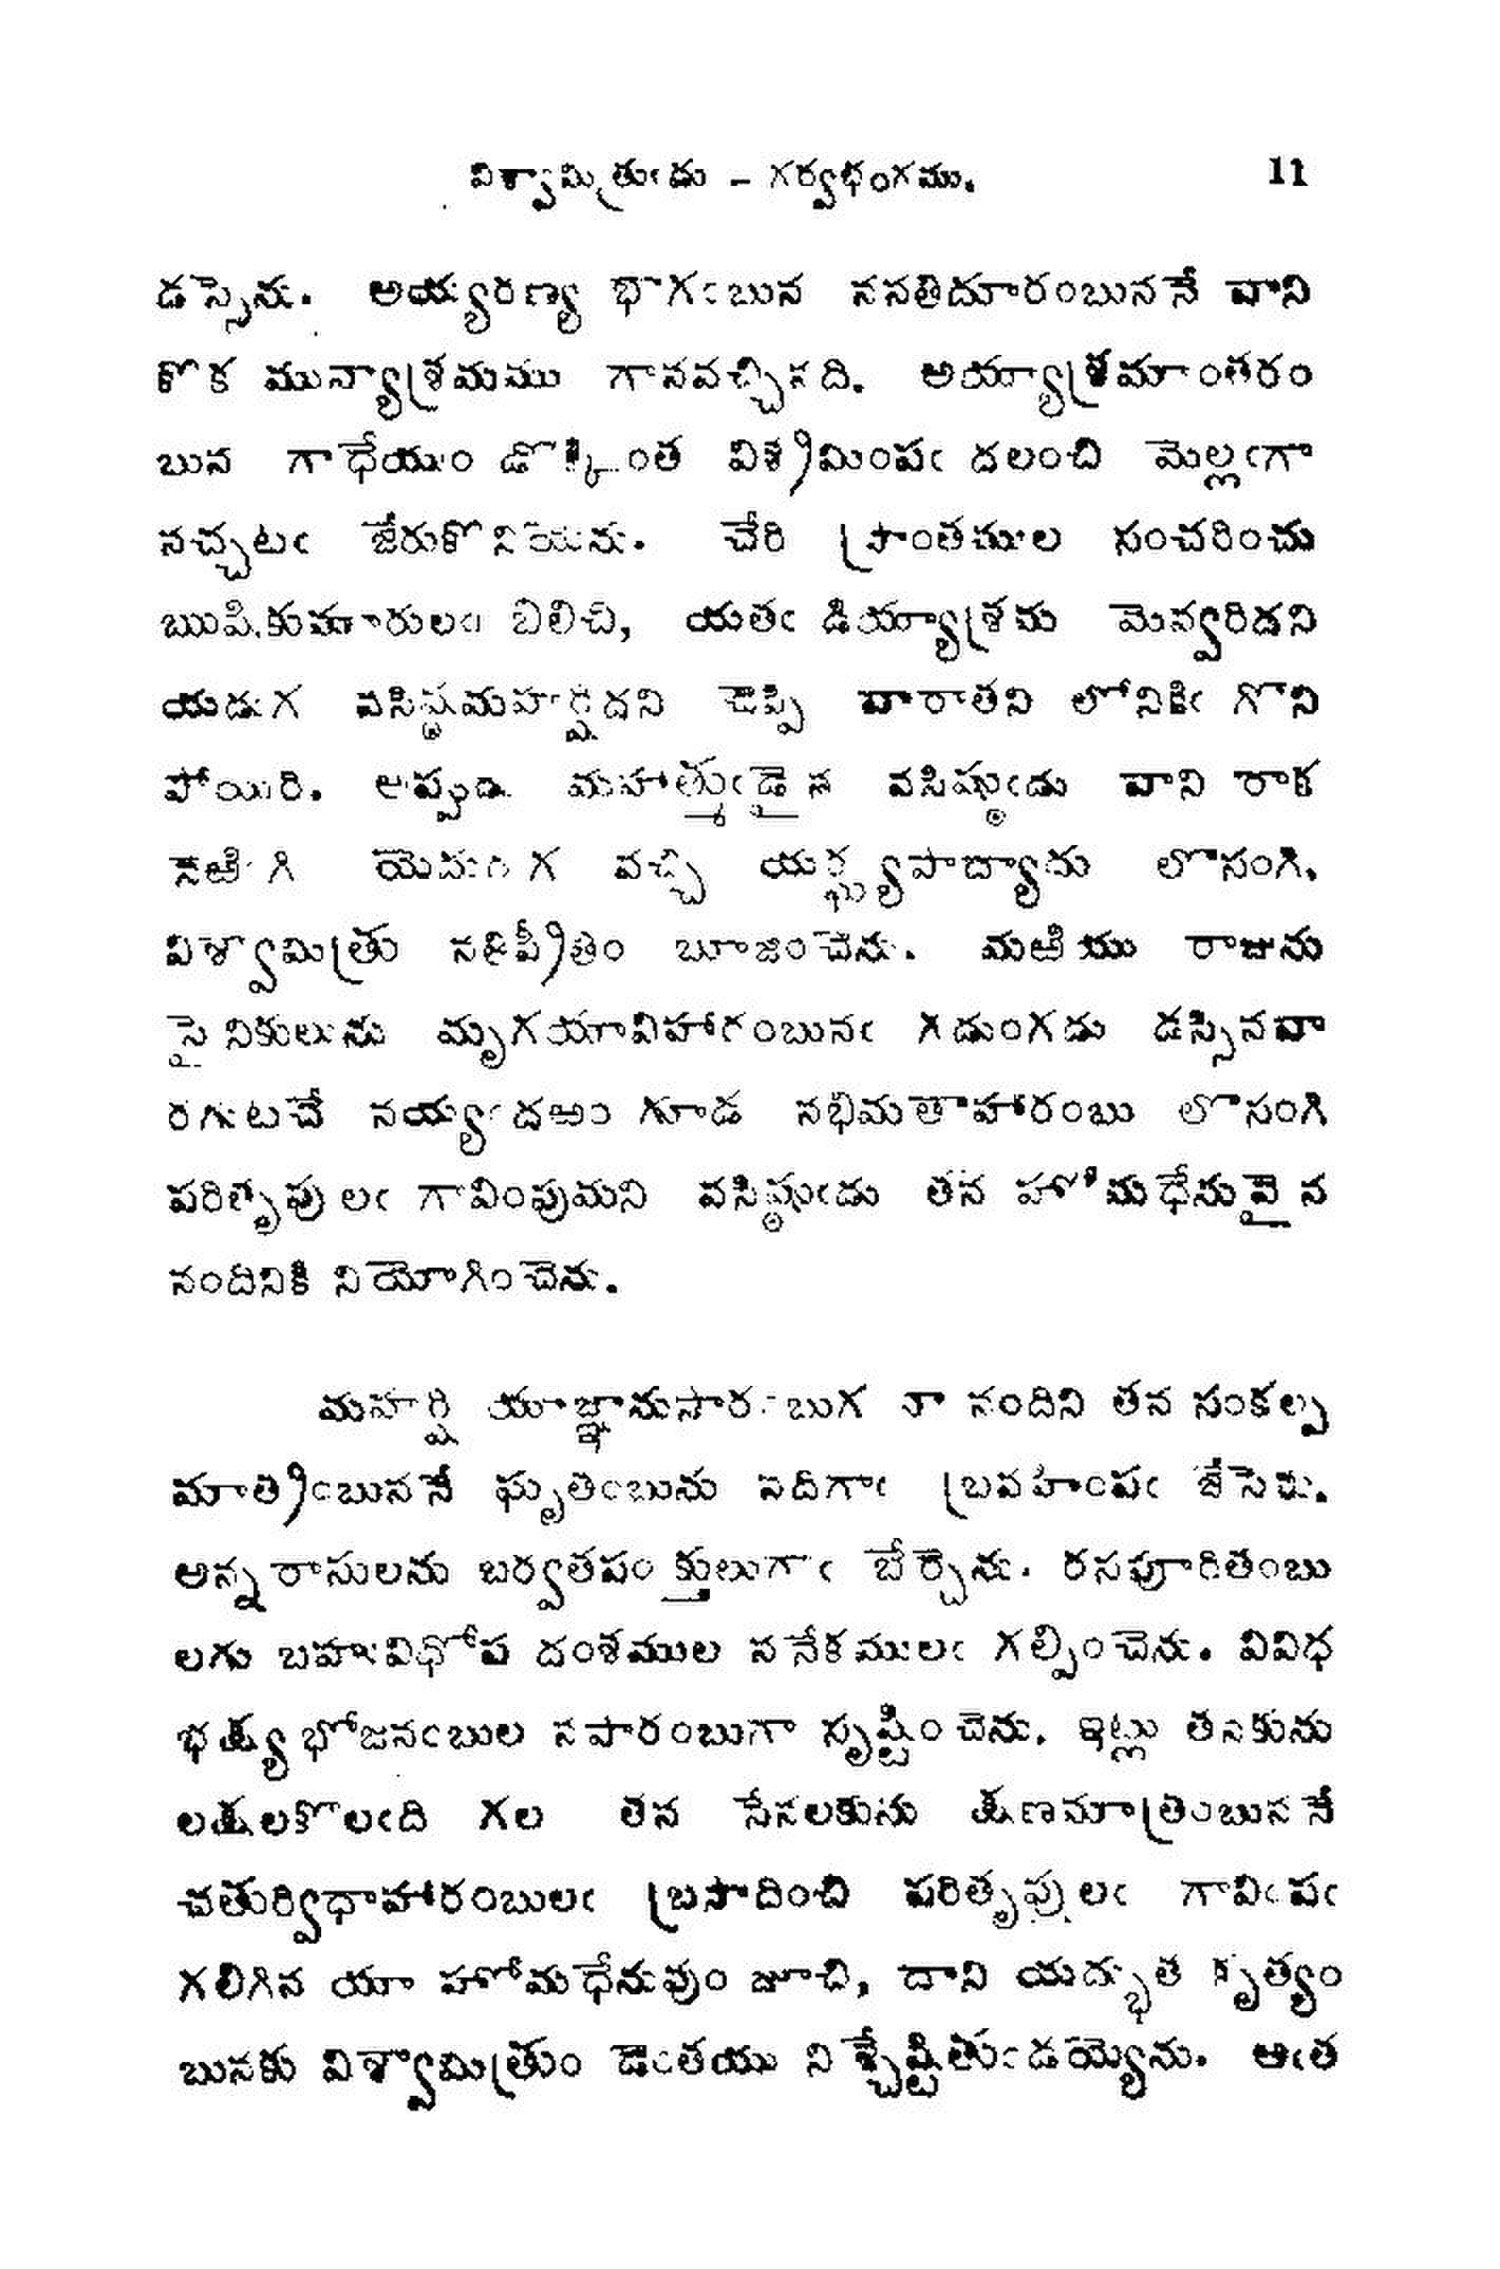డస్సెను. అయ్యరణ్య భాగంబున ననతి దూరంబుననే వానికొక మున్యాశ్రమము గానవచ్చినది. అయ్యాశ్రమాంతరంబున గాధేయుం డ్కొక్కింత విశ్రమింపఁ దలంచి మెల్లఁగా నచ్చటఁ జేరుకొనియెను. చేరి ప్రాంతముల సంచరించు ఋషికుమారులం బిలిచి, యతఁ డియ్యాశ్రమ మెవ్వరిదని యడుగ వసిష్ఠమహర్షిదని చెప్పి వారాతని లోనికిఁ గొనిపోయిరి. అప్పుడు మహాత్ముఁడైన వసిష్ఠుఁడు వాని రాక నెఱిగి యెదురేగ వచ్చి యర్ఘ్యపాద్యాదు లొసంగి, విశ్వామిత్రు నతిప్రీతిం బూజించెను. మఱియు రాజును సైనికులను మృగయవిహారంబునఁ గడుంగడు డస్పినవారగటచే నయ్యందఱం గూడ నభిమతాహారంబు లొసంగి పరితృపులఁ గావింపుమని వసిష్ఠుఁడు తన హోమధేనువైన నందినికి నియోగించెను.

మహర్షి యజ్ఞానుసారంబుగ - నా నందిని తన సంకల్ప మాత్రంబుననే ఘృతంబును నదిగాఁ బ్రవహంపఁ జేసెను. అన్న రాసులను బర్వతపంక్తులుగాఁ బేర్చేను. రసపూరితంబులగు బహువిధోప దంశముల ననేకములఁ గల్పించెను. వివిధ భక్ష్య భోజనంబుల సపారంబుగా సృష్టించెను. ఇట్లు తనకును లక్షలకొలఁది గల తన సేనలకును క్షణమాత్రుంబుననే చతుర్విధాహారంబులఁ బ్రసాదించి పరితృప్తులఁ గావింపఁ గలిగిన యా హోమధేనువుం జూచి, దాని యద్భుత కృత్యంబునకు విశ్వామిత్రుం డెంతయు నిశ్చేష్టితుఁడయ్యెను. ఆఁత